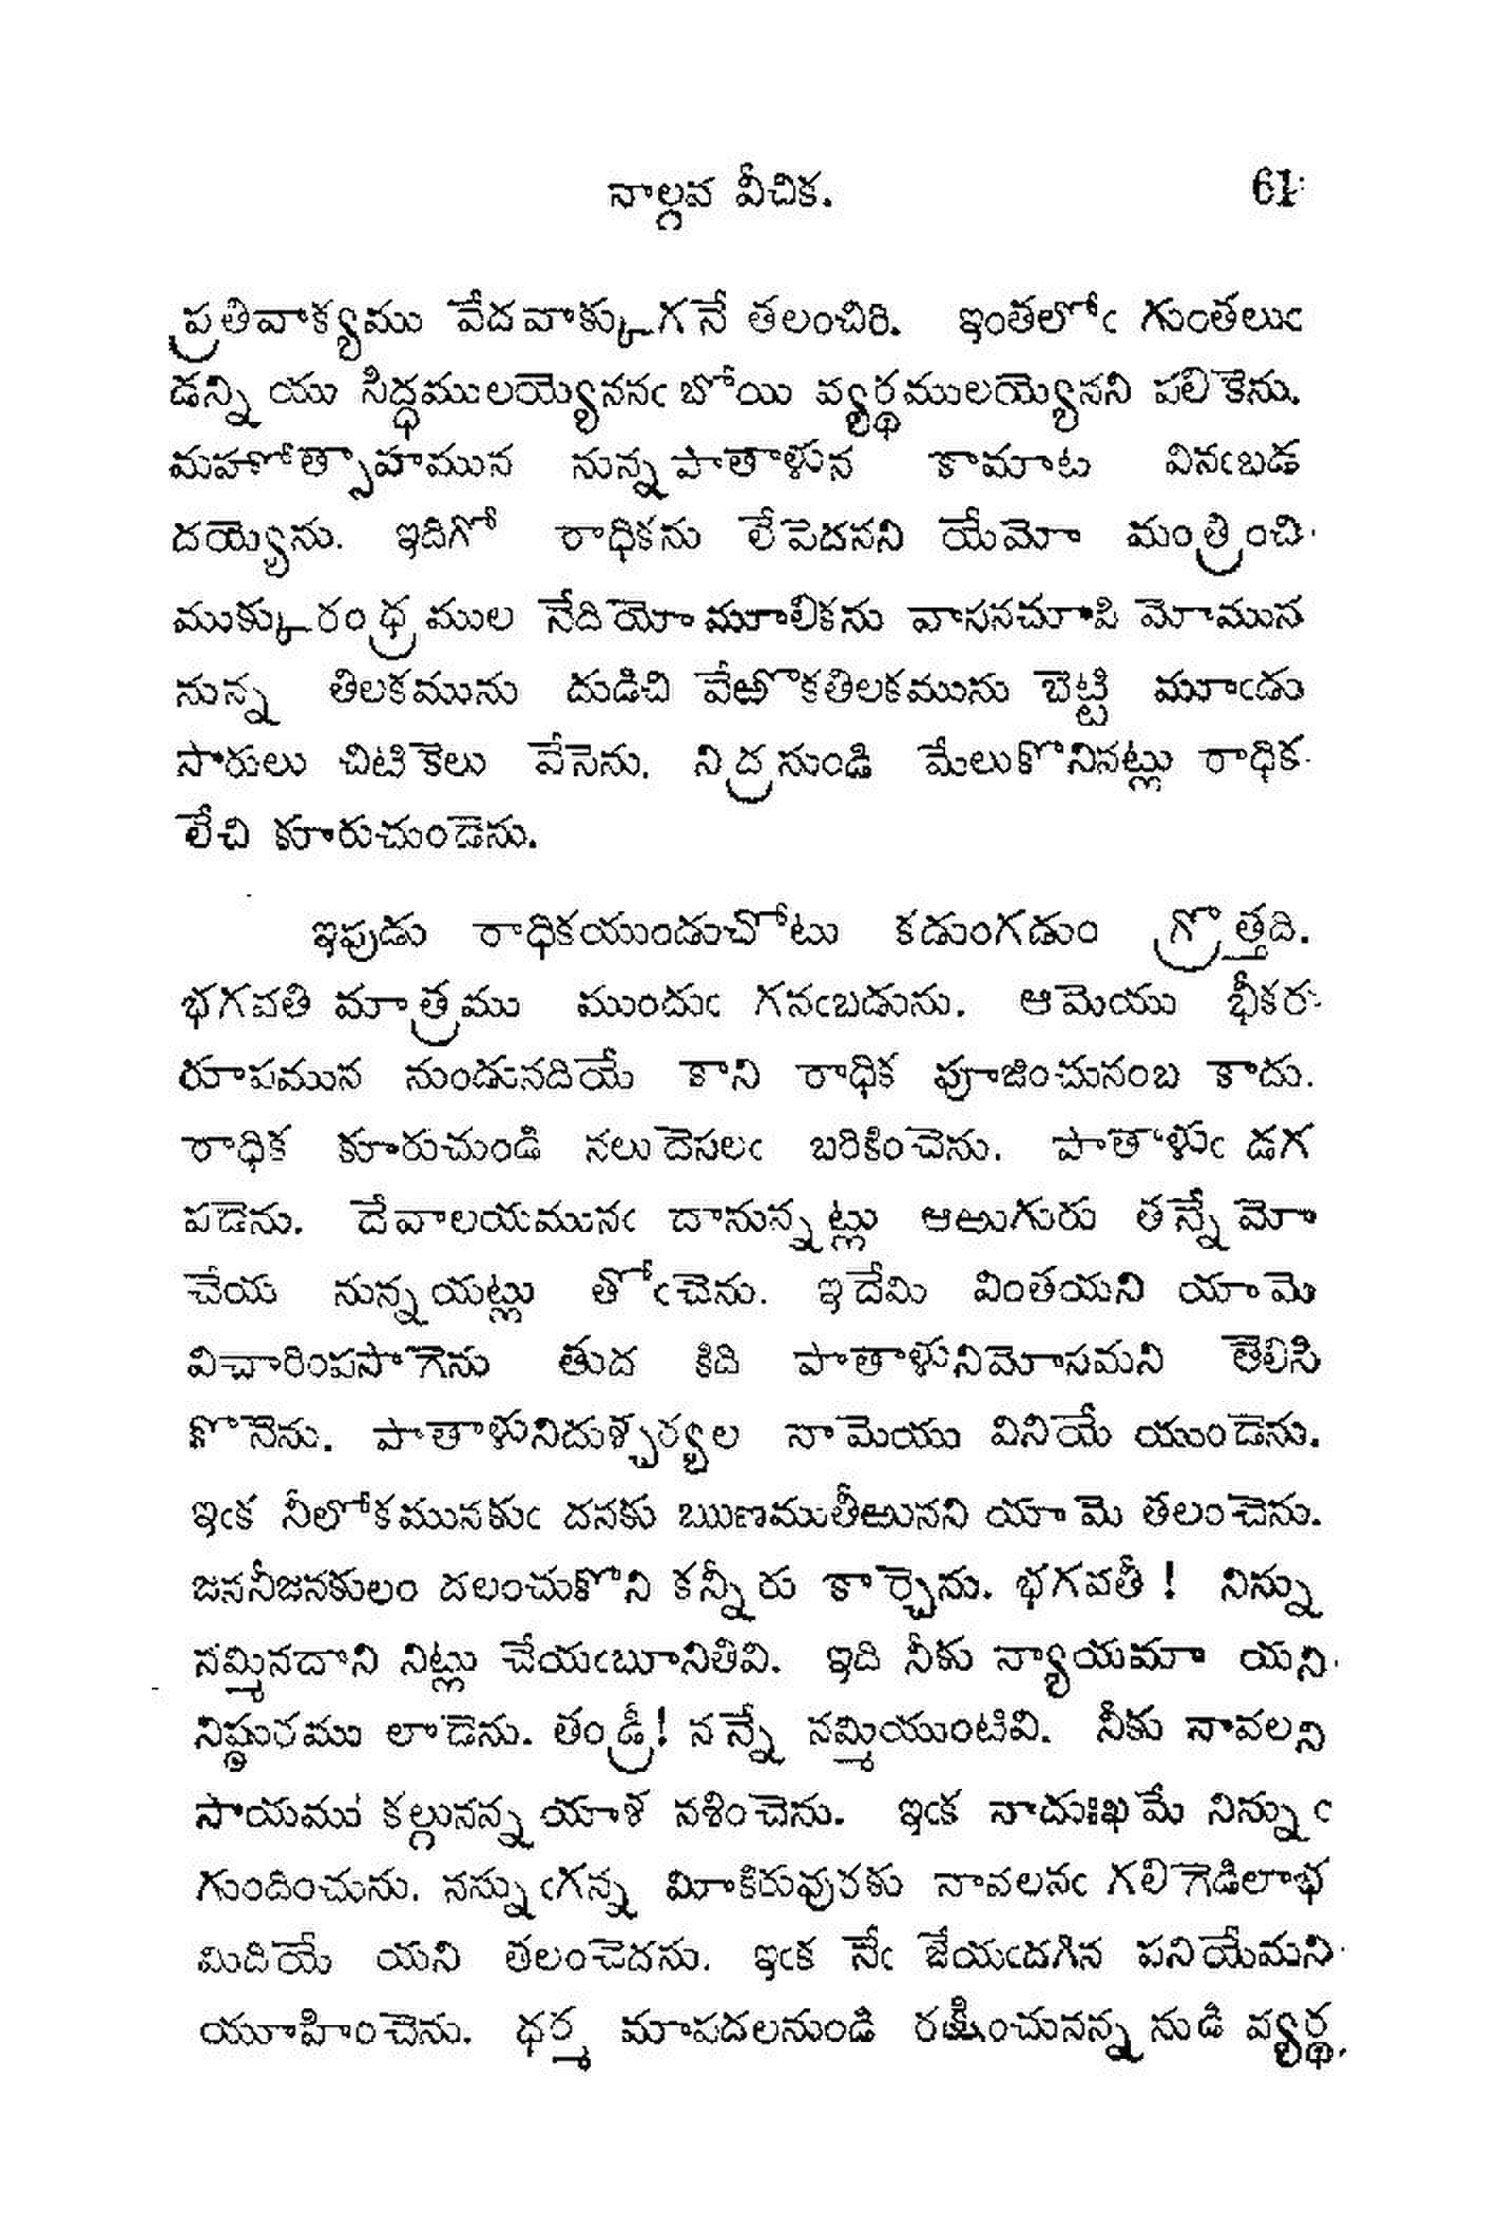ప్రతివాక్యము వేదవాక్కుగనే తలంచిరి. ఇంతలోఁ గుంతలుఁ డన్ని యు సిద్ధములయ్యెననఁ బోయి వ్యర్ధములయ్యెనని పలికెను. మహోత్సాహమున నున్న పాతాళున " కామాట వినఁబడ దయ్యెను. ఇదిగో రాధిక ను లేపెదనని యేమో మంత్రించి ముక్కురంధ్రముల నేది యో మూలికను వాసనచూపి మోమున నున్న తిలకమును దుడిచి వేదొకతిలకమును బెట్టి మూఁడు సారులు చిటికెలు వేసెను. నిద్ర నుండి మేలుకొనినట్లు రాధిక లేచి కూరుచుండెను.

ఇపుడు రాధిక యుండుచోటు కడుంగడుం గ్రొత్తది. భగవతి మాత్రము ముందుఁ గనఁబడును. ఆమెయు భీకర రూపమున నుండునదియే కాని రాధిక పూజించునంబ కాదు. రాధిక కూరుచుండి నలు దెసలఁ బరికించెను. పాతాళుఁ డగ పడెను. దేవాలయమునఁ దానున్నట్లు ఆఱుగురు తన్నేమో చేయ నున్న యట్లు తోచెను. ఇదేమి వింతయని యామె విచారింపసాగెను తుద కిది పాతాళునిమోసమని తెలిసికొనెను. పాతాళునిదుశ్చర్యల నామెయు వినియే యుండెను. ఇఁక నీలోకమునకుఁ దనకు ఋణము తీఱునని యామె తలుచెను. జననీజనకులం దలంచుకొని కన్నీరు కార్చెను. భగవతీ ! నిన్ను నమ్మినదాని నిట్లు చేయఁబూనితివి. ఇది నీకు న్యాయమా యని నిష్ఠురము లాడెను. తండ్రీ! నన్నే నమ్మియుంటివి. నీకు నావలని సాయము కల్గునన్న యాశ నశించెను. ఇంక నాదుఃఖమే నిన్నుఁ గుందించును. నన్నుఁ గన్న మీకిరువురకు నావలనఁ గలిగెడిలాభ మిదియే యని తలంచెదను. ఇక నేఁ జేయఁదగిన పనియేమని, యూహించెను. ధర్మ మాపదలనుండి రక్షించునన్న నుడి వ్యర్థ.